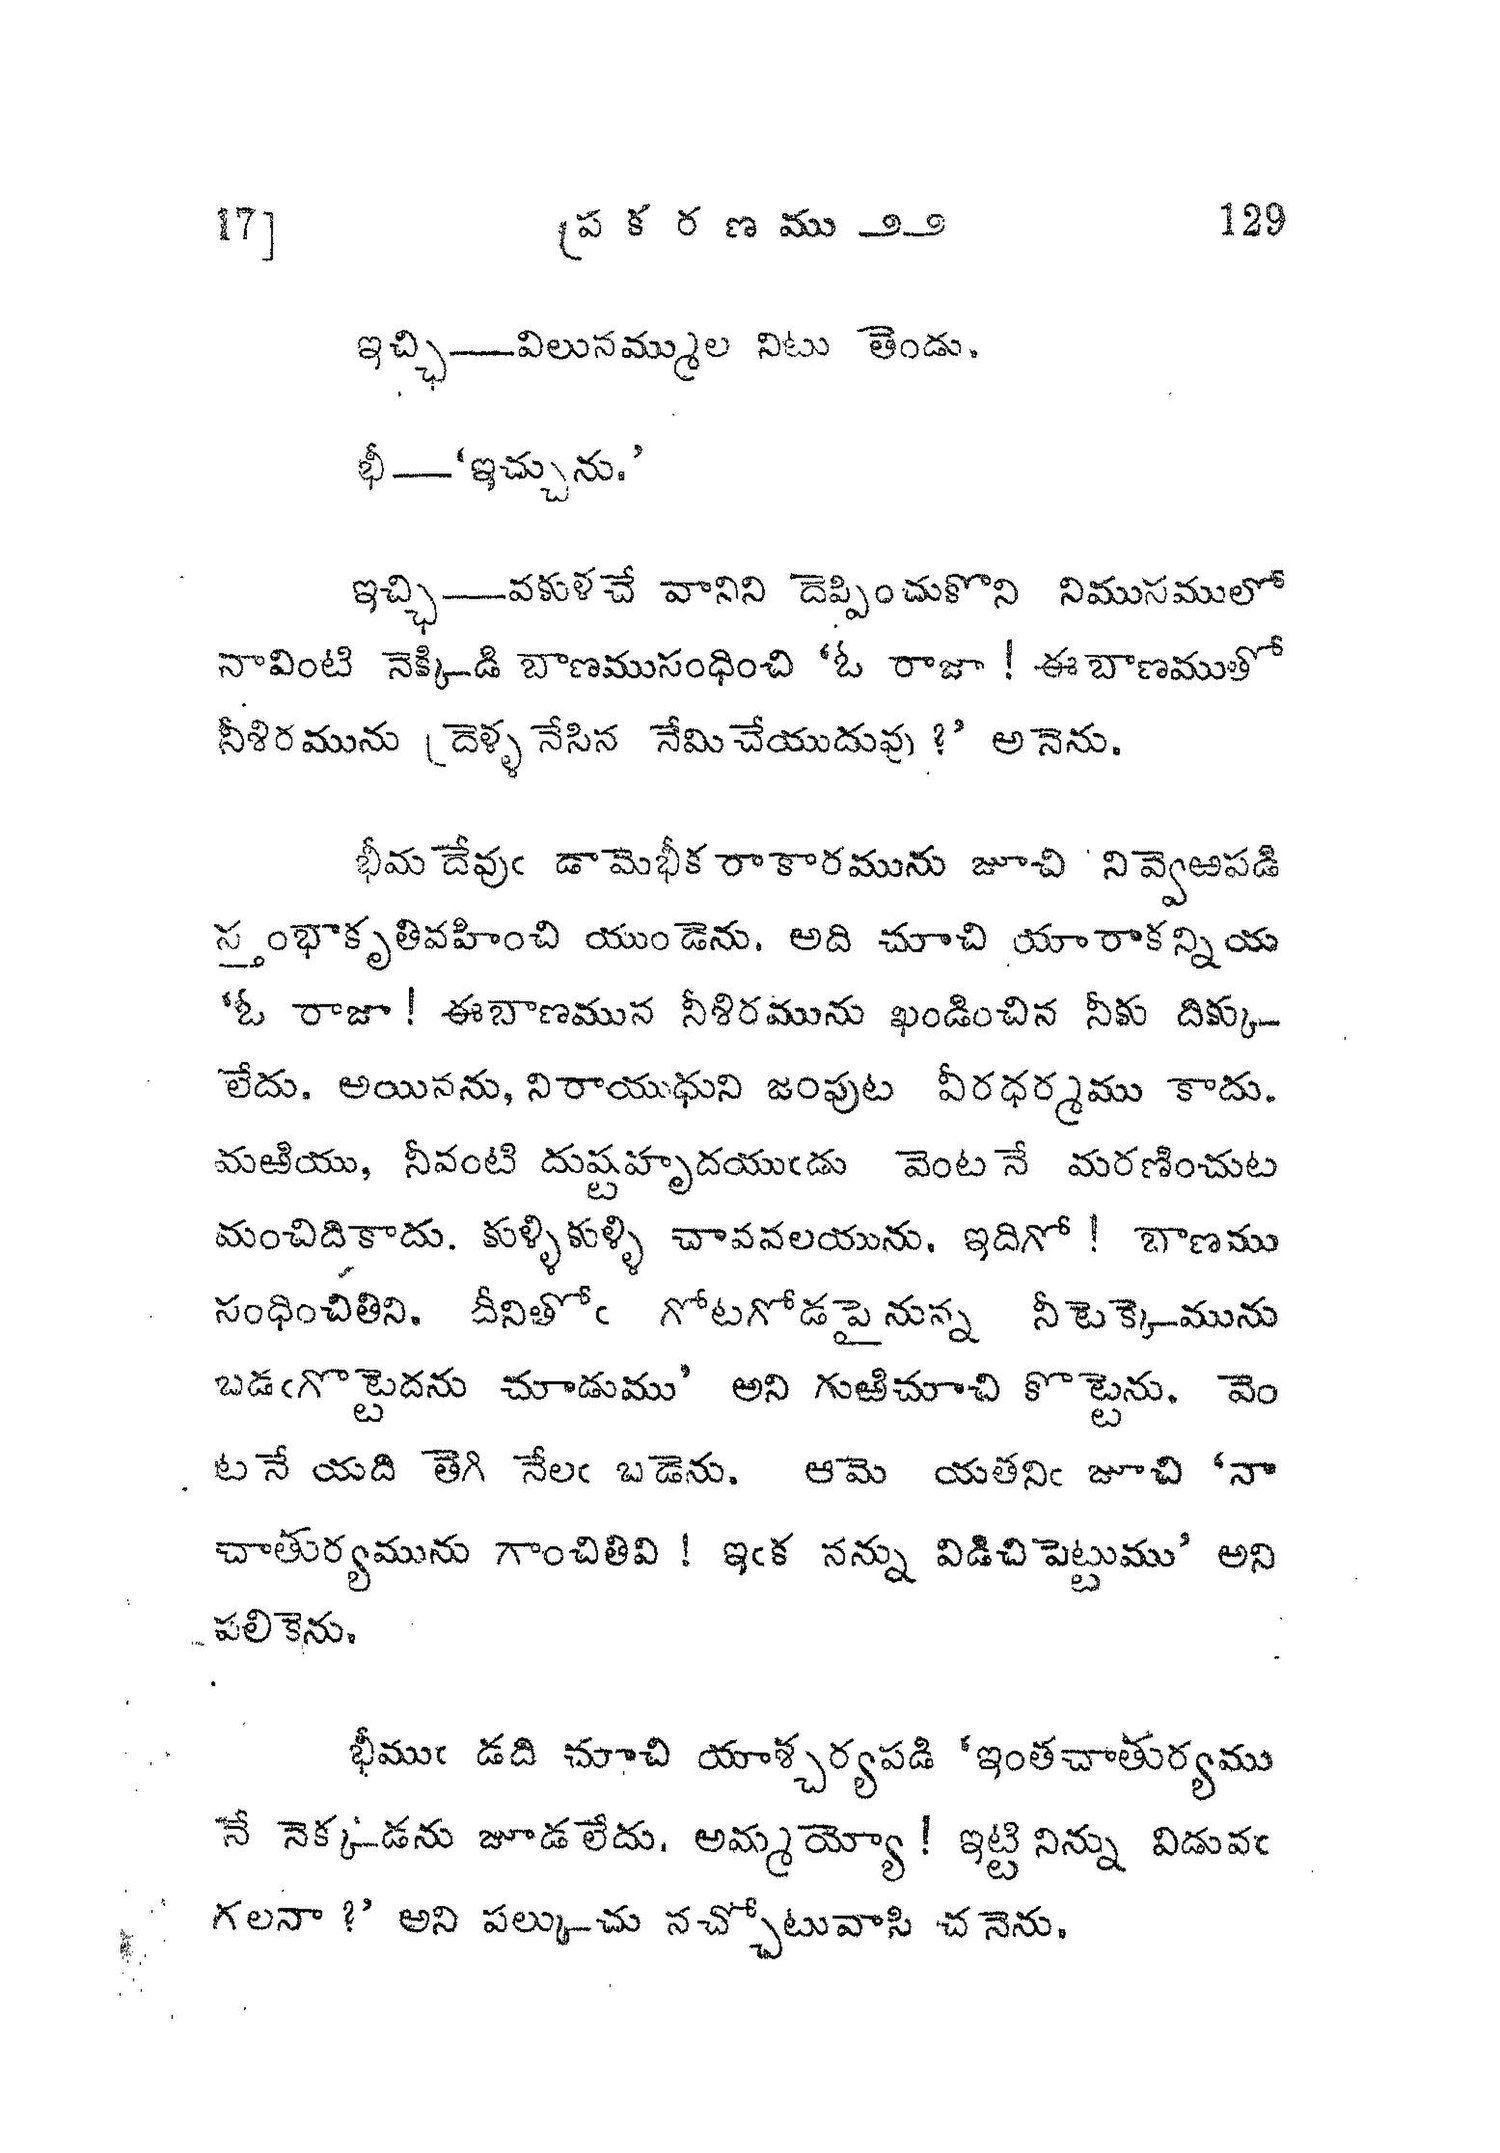ఇచ్చి: విలునమ్ముల నిటు తెండు,
భీ: - 'ఇచ్చును."
ఇచ్ఛి: - వకుళ చే వానిని చెప్పించుకొని నిముసములో
నావింటి నెక్కిడి బాణముసంధించి 'ఓ రాజా ! ఈ బాణముతో
నీ శీరమును దెళ్ళ నేసిన నేమి చేయుదువు ! ” అనెను.

భీమ దేవుఁ డామెభీక రాకారమును జూచి ' నివ్వెఱపడి
స్తంభాకృతివహించి యుండెను. అది చూచి యారాకన్నియ
“ఓ రాజా! ఈ బాణమున నీశిరమును ఖండించిన నీకు దిక్కు-
లేదు. అయినను, నిరాయుధుని జంపుట వీరధర్మము కాదు.
మఱియు, నీవంటి దుష్టహృదయుఁడు వెంట నే మరణించుట
మంచిది కాదు. కుళ్ళి కుళ్ళి చావవలయును. ఇదిగో ! బాణము
సంధించితిని. దీనితోఁ గోటగోడ పై నున్న నీటెక్కెమును
బడ గొట్టెదను చూడుము' అని గుఱి చూచి కొట్టెను, వెం
ట నే యది తెగి నేలఁ బడెను. ఆమె యతనిఁ జూచి 'నా
చాతుర్యమును గాంచితివి ! ఇఁక నన్ను విడిచి పెట్టుము' అని
పలికెను,

భీముఁ డది చూచి యాశ్చర్యపడి 'ఇంత చాతుర్యము
నే నెక్కడను జూడ లేదు. అమ్మయ్యో ! ఇట్టి నిన్ను విడువఁ
గలనా ?' అని పల్కుచు నచ్చోటువాసి చ నెను.